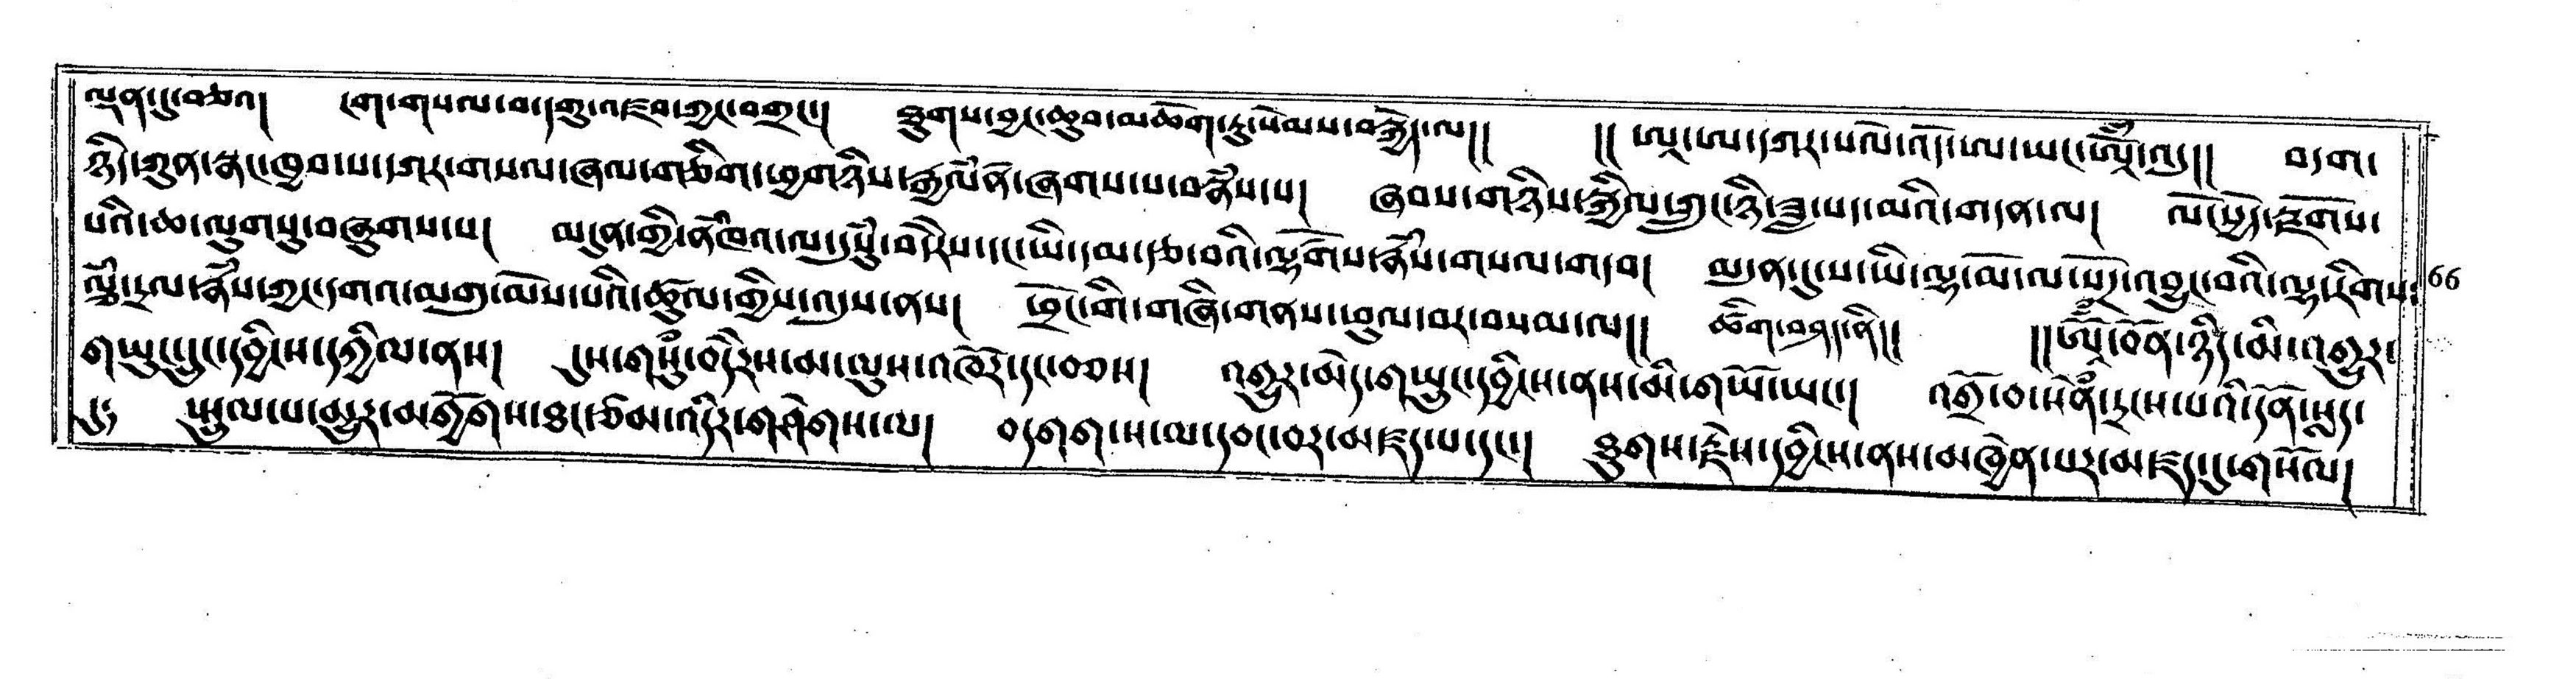ལྡན་དུ་བཅའ། ངག་གསལ་བ་དགུ་འཛབ་ཀྱང་བགྲང་། ཐུགས་བྱང་ཆུབ་མཆོག་ཏུ་སེམས་བསྐྱེད་ལ།། །།ཨཱ་ཨ་དཀར་སལེ་འོད་ཨ་ཡང་ཨཱོཾ་འདུ།། བདག་
ཉིད་ཀུན་སྣང་ཁྱབ་པ་དཀར་གསལ་ཞལ་གཅིག་ཕྱག་གཉིས་རྒྱལ་མཚན་ཞགས་པ་བསྣམས་པ། ཞབས་གཉིས་སྐྱིལ་ཀྲུང་ཉི་ཟླ་པད་མའི་གདན་ལ། ལོངས་སྤྱོད་རྫོགས་
པའི་ཆ་ལུགས་སུ་བཞུགས་པ། མདུན་གྱི་ནམ་མཁའ་ལ་དུས་གསུམ་བདེར་གཤེགས་དང་ཡི་དམ་རྩ་བའི་ལྷ་ཚོགས་རྣམས་གསལ་གདབ། མདུན་དུ་ས་ཡི་ལྷ་མོ་ལ་སོགས་འབྱུང་བའི་ལྷ་རིགས་
ལྕམ་དྲལ་རྣམས་ཀྱང་དགའ་མགུ་མོས་པའི་ཚུལ་གྱིས་འདུས་ནས། ཕོ་བྲང་གི་གཞི་གནས་ཕུལ་བར་བསམ་ལ།། ཚིག་བཤད་ནི།། །།ཨཱོཾ་བོན་ཉིད་མི་འགྱུར་
གཡུང་དྲུང་དབྱིངས་དཀྱིལ་ནས། དུས་གསུམ་བདེར་གཤེགས་མ་ལུས་འཁོར་དང་བཅས། འགྱུར་མེད་གཡུང་དྲུང་དབྱིངས་ནས་མི་གཡོ་ཡང་། འགྲོ་བ་སེམས་ཅན་དྲངས་པའི་དོན་སླད་
དུ། སྤྲུལ་པ་མྱུར་མགྱོགས་ཐང་ཙམ་འདིར་གཤེགས་ལ། བདག་ཅག་ས་ལ་དབང་བར་མཛད་པ་དང་། ཐུགས་རྗེས་དབྱིངས་ནས་མཁྱེན་པར་མཛད་དུ་གསོལ།